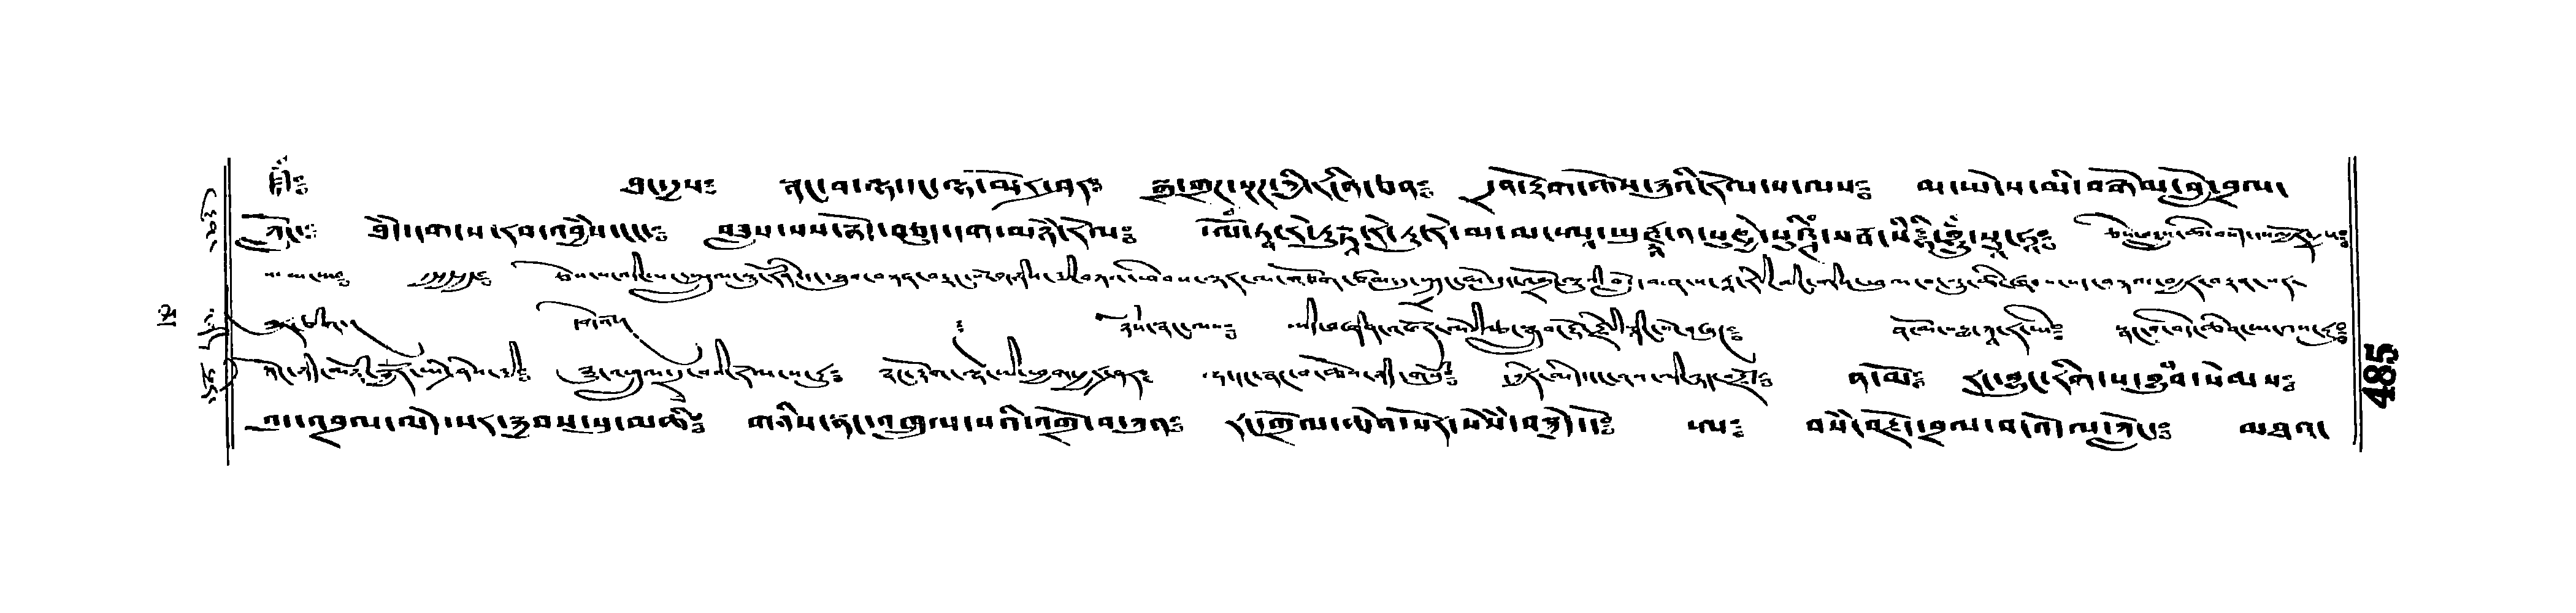ཐང་རྒྱས༔ སྣང་བ་ལྷ་དང་ལྷ་མོར་ཤར༔ སྒྲ་གྲགས་སྔགས་ཀྱི་རང་བཞིན་ཅན༔ དྲན་རྟོག་ཆོས་སྐུའི་རོལ་པ་ལས༔ མ་ཡེངས་མི་བསྒོམ་བློ་བྲལ་
ཀློང༔ ཐམས་ཅད་དག་པ་རབ་འབྱམས་ངང༔ བཟླས་པས་སྣོད་བཅུད་དག་མཉམ་རོལ༔ ཨོཾ་ཏཱ་རེ་ཏུཏྟཱ་རེ་ཏུ་རེ་མ་མ་ཨཱ་ཡུརྫྙཱ་ན་པུཎྱེ་པུཥྚིཾ་སརྦ་སིདྡྷི་བྷྲཱུྃ་སྭཱ་ཧཱཿ ཅེས་བཟླས་ཚེ་བསོད་དཔལ་འབྱོར་རྒྱས༔ 
ས་མ་ཡ༔ རྒྱ་རྒྱ་རྒྱ༔ ཅེས་པ་འདི་ཡང་སྤྲུལ་སྐུ་རིན་ཆེན་དང་ཐུབ་བསྟན་བཟང་པོ་གཉིས་ཀྱི་བཀའ་ཕེབས་ལྟར་མ་བཅག་ཙམ་དུ་སྤྲང་མོ་དུད་འགྲོ་ལྟ་བུའི་བློ་དམན་པ་ཏཱ་རེའི་མིང་གིས་ཕུལ་བ་སྐུ་ཚེ་ཞབས་པད་བསྐལ་བརྒྱར་བརྟན་པར་
གྱུར་ཅིག དགེའོ།། ཉམས་སྣང་ལས༔ ཡིད་བཞིན་འཁོར་ལོའི་རྩ་སྒྲུབ་རྡོ་རྗེའི་སྙིང་པོ་བཞུགས༔ ན་མོ་པདྨ་ཀཱ་ར་ཡེ༔ སྣང་བ་བདེ་ཆེན་ཡངས་པ་རུ༔ 
སྟོང་ཉིད་མཉམ་སྦྱོར་ཡེ་ཤེས་ཀྱི༔ སྒྱུ་འཕྲུལ་དྲྭ་བའི་རོལ་པ་རུ༔ སྣང་རྟོག་ལྷ་ཡི་ཕྱག་རྒྱར་ཤར༔ ལྷ་དང་སྣང་བ་ཆོས་ཉིད་གསུམ༔ དབྱེར་མེད་ངང་ནས་འདི་སྐད་བརྗོད༔ ན་མོ༔ རང་བྱུང་རིག་པ་བྱང་ཆུབ་སེམས༔ 
འདུ་འབྲལ་མེད་པར་སྐྱབས་སུ་མཆི༔ གཉིས་སྣང་འཁྲུལ་པའི་འགྲོ་བ་ཀུན༔ རང་གྲོལ་ཆེན་པོར་སེམས་བསྐྱེད་དོ༔ ཨཱཿ བསམ་བརྗོད་བྲལ་བ་འོད་གསལ་ཀློང༔ མཐའ་